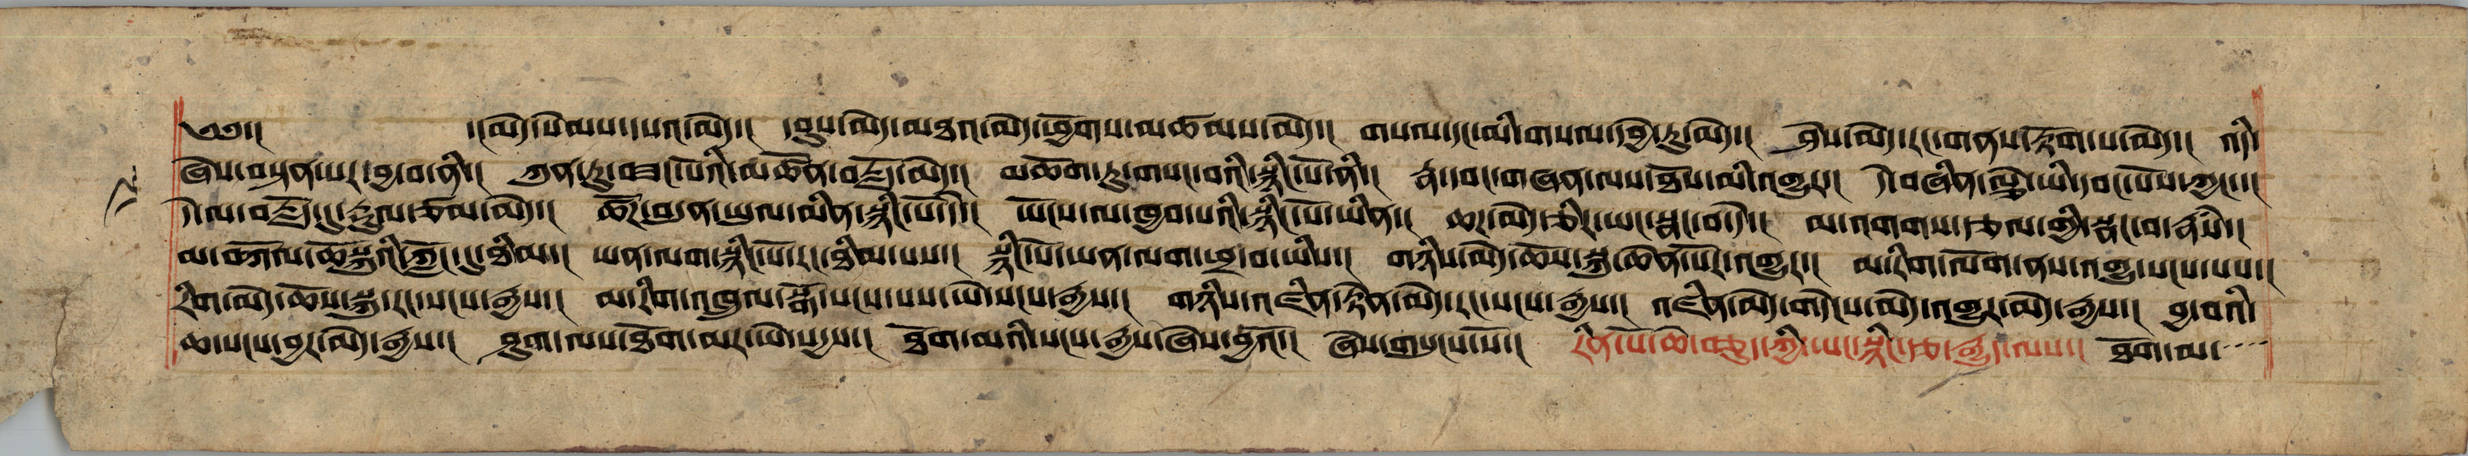༄༅་། ་།མེད་སེམས་དཔའ་མེད་། དབུས་མེད་མཐའ་མེད་ཕྱོགས་མཚམས་མེད་། གསལ་དང་མི་གསལ་དབྱེ་རུ་མེད་། ཤེས་མེད་རང་གནས་རྟོག་པ་མེད་། འདི་
ཞེས་བསྟན་པར་བྱ་བ་ནི་། ཀུན་ཏུ་བཟང་པོའི་མཚོན་བརྗོད་མེད་། མཆོག་ཏུ་གསང་བའི་སྙིང་པོ་ནི་། རྣ་དབང་གཞན་ལས་ཐོས་མི་འགྱུར་། དེ་བཞིན་ལྕེ་ཡི་དབང་པོས་ཀྱང་།
དེ་ལ་བརྗོད་དུ་རྡུལ་ཙམ་མེད་། ཚོཌ་བདུན་ཡུལ་མིན་སྙིང་པོ་དེ་། ཡོངས་ལ་ཁྱབ་པའི་སྙིང་པོ་ཡིན་། ཆཌ་མེད་ཅིར་ཡང་སྣང་བ་དེ་། མ་འགགས་རྩལ་གྱི་སྣང་བ་རྣཾས་།
མ་བཀོལ་ཆོསྐུའི་ཀློང་དུ་ཐིམ་། ཡན་ལག་སྙིང་པོ་རང་ཐིམ་པས་། སྙིང་པོ་ཡན་ལག་ཕྲ་བ་ཡིས་། གཉིས་མེད་ཆོས་སྐུ་ཆེན་པོར་འགྱུར་། མ་རིག་ལོག་ནས་འགྱུ་སངས་པས་།
རིག་མེད་ཆོས་སྐུ་རང་སངས་རྒྱས་། མ་རིག་འཁྲུལ་སྒོ་སངས་པས་ཡེ་སངས་རྒྱས་། གཉིས་འཛིན་རྟེན་མེད་རང་སངས་རྒྱས་། འཛིན་མེད་གདེངས་མེད་འགྱུར་མེད་རྒྱས་། བྱ་བའི་
ཆ་སངས་བྱར་མེད་རྒྱས་། ཤུག་ལས་ཐོག་མར་ཡེ་སདྱས་། ཐོག་མའི་སངས་རྒྱས་ཞེས་བྱའོ་། ཞེས་གསུངས་སོ་། རིན་པོ་ཆེ་བཅུད་ཀྱི་ཡང་སྙིང་རྩ་རྒྱུད་ལས་། ཐོག་མ་